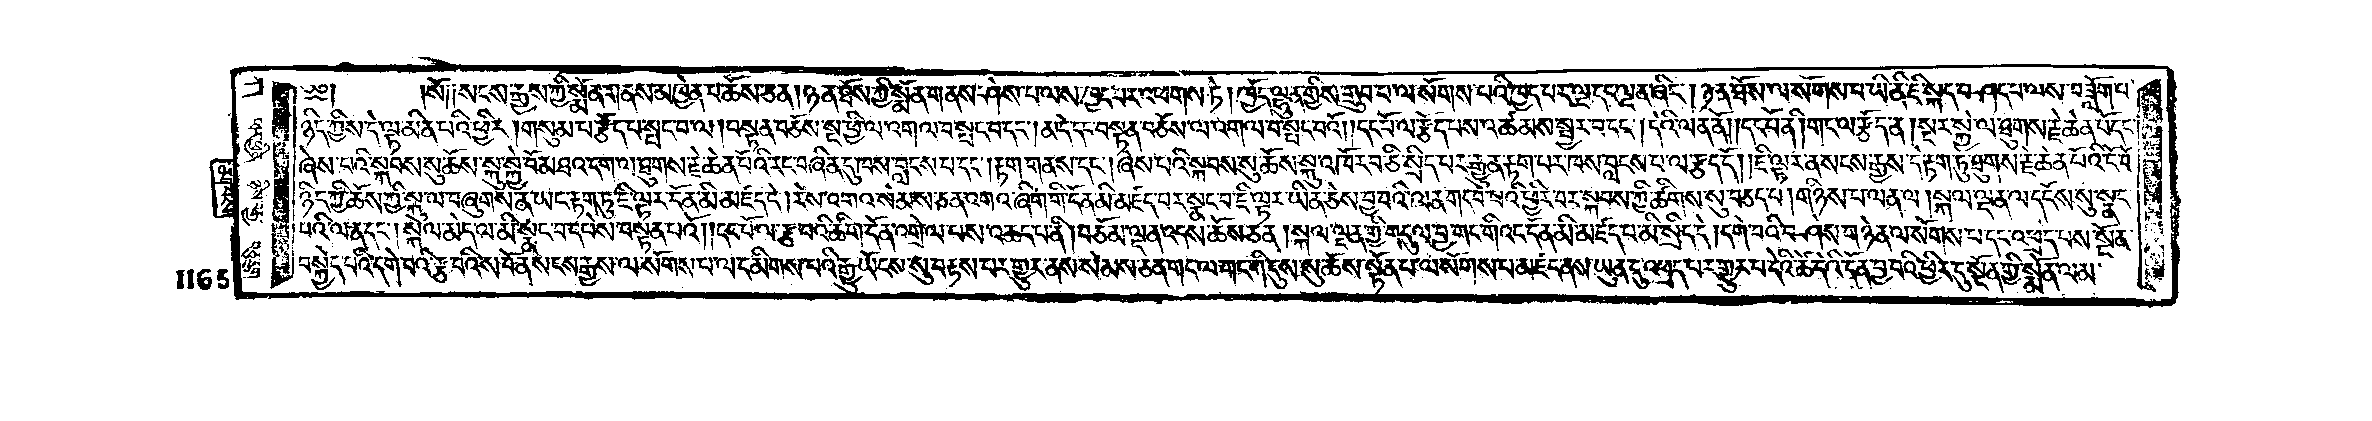༄༅། །སོ། །སངས་རྒྱས་ཀྱི་སྨོན་གནས་མཁྱེན་པ་ཆོས་ཅན། ཉན་ཐོས་ཀྱི་སྨོན་གནས་ཤེས་པ་ལས་ཁྱད་པར་འཕགས་ཏེ། ཁྱོད་ལྷུན་གྱིས་གྲུབ་པ་ལ་སོགས་པའི་ཁྱད་པར་ལྔ་དང་ལྡན་ཞིང་། ཉན་ཐོས་ལ་སོགས་པ་ཡི་ནི་ཇི་སྐད་བཤད་པ་ལས་བཟློག་པ་
ཉིད་ཀྱིས་དེ་ལྟ་མིན་པའི་ཕྱིར། གསུམ་པ་རྩོད་པ་སྤང་བ་ལ། བསྟན་བཅོས་སྔ་ཕྱི་ལ་འགལ་བ་སྤང་བ་དང་། མདེ་དང་བསྟན་བཅོས་ལ་འགལ་བ་སྤང་བའོ། །དང་པོ་ལ་རྩོད་པས་འཚམས་སྦྱར་བ་དང་། དེའི་ལན་ནོ། །དང་པོ་ནི། གང་ལ་རྩོད་ན། སྔར་སྐྱེ་ལ་ཐུགས་རྗེ་ཆེན་པོ་དང་
ཞེས་པའི་སྐབས་སུ་ཆོས་སྐུ་སྐྱེ་བོ་མཐའ་དག་ལ་ཐུགས་རྗེ་ཆེན་པོའི་རང་བཞིན་དུ་ཁས་བླངས་པ་དང་། རྟག་གནས་དང་། ཞེས་པའི་སྐབས་སུ་ཆོས་སྐུ་འཁོར་བ་ཅི་སྲིད་པར་རྒྱུན་རྟག་པར་ཁས་བླངས་པ་ལ་རྩད་དོ། །ཇི་ལྟར་ན་སངས་རྒྱས་དེ་རྟག་ཏུ་ཐུགས་རྗེ་ཆེན་པོའི་ངོ་བོ་
ཉིད་ཀྱི་ཆོས་ཀྱི་སྐུ་ལ་བཞུགས་ན་ཡང་རྟག་ཏུ་ཇི་ལྟར་དོན་མི་མཛད་དེ། རེས་འགའ་སེམས་ཅན་འགའ་ཞིག་གི་དོན་མི་མཛད་པར་སྣང་བ་ཇི་ལྟར་ཡིན་ཅེས་བྱ་བའི་ལན་གདབ་པའི་ཕྱིར་བར་སྐབས་ཀྱི་ཚིགས་སུ་བཅད་པ། གཉིས་པ་ལན་ལ། སྐལ་ལྡན་ལ་དངོས་སུ་སྣང་
པའི་ལན་དང་། སྐེལ་མེད་ལ་མི་སྣང་བ་དཔེས་བསྟན་པའོ། །དང་པོ་ལ་རྩ་བའི་ཚིག་དོན་འགྲེལ་པས་འཆད་པ་ནི། བཅོམ་ལྡན་འདས་ཆོས་ཅན། སྐལ་ལྡན་གྱི་གདུལ་བྱ་གང་གིའང་དོན་མི་མཛད་པ་མི་སྲིད་དེ། དགེ་བའི་བཤེས་གཉེན་ལ་སོགས་པ་དང་འཕྲེད་པས་སྔོན་
བསྐྱེད་པའི་དགེ་བའི་རྩ་བའི་ས་བོན་སངས་རྒྱས་ལ་སོགས་པ་ལ་དམིགས་པའི་རྒྱུ་ཡོངས་སུ་བརྟས་པར་གྱུར་ནས་སེམས་ཅན་གང་ལ་གང་གི་དུས་སུ་ཆོས་སྟོན་པ་ལ་སོགས་པ་མཛད་ནས་ཡུན་དུ་འཕྲད་པར་གྱུར་པ་དེའི་ཚེ་དེའི་དོན་བྱ་བའི་ཕྱིར་དུ་སྔོན་གྱི་སྨོན་ལམ་